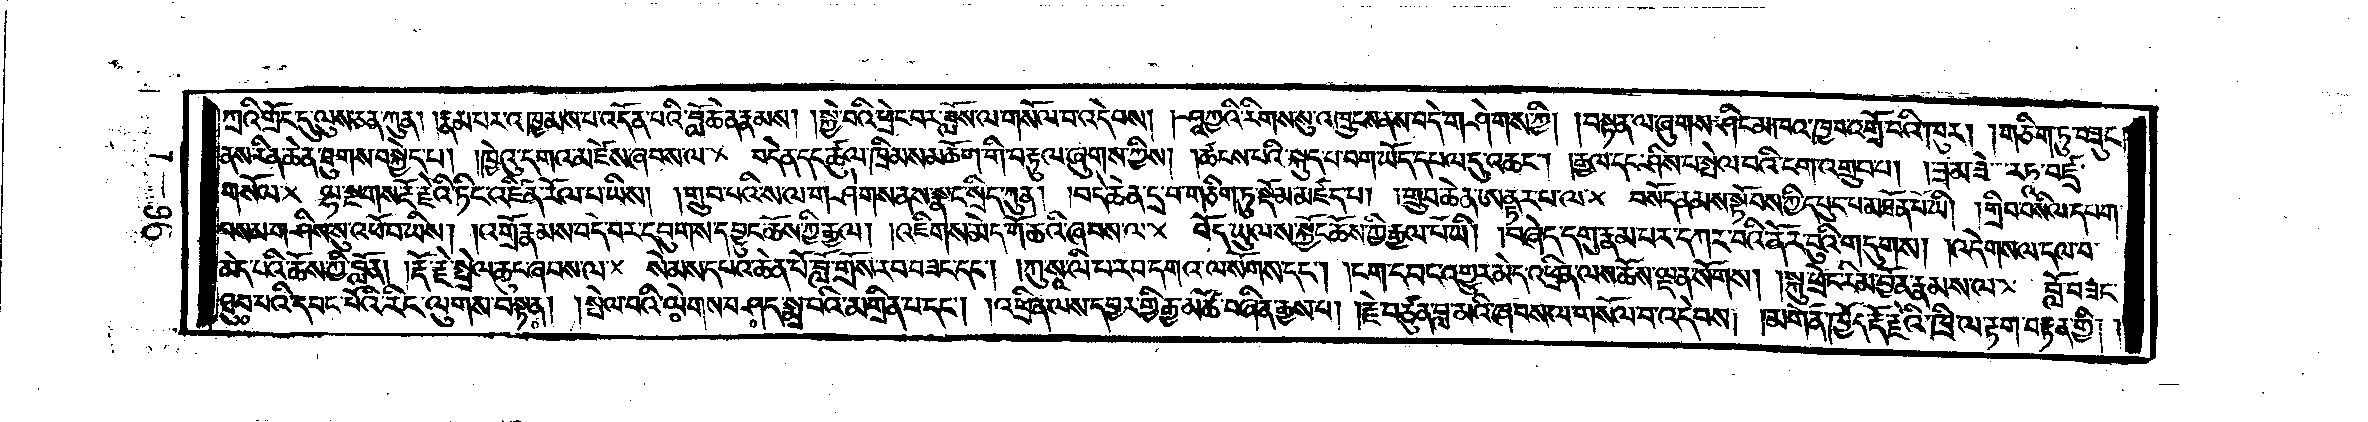ཀྲའི་གྲོང་དུ་ལུས་ཅན་ཀུན། །རྣམ་པར་འཁྱམས་པ་འདོན་པའི་བློ་ཆེན་རྣམས། །སྐྱེ་བོའི་ཕྲེང་བར་ཟློས་ལ་གསོལ་བ་འདེབས། །ཤཱཀྱའི་རིགས་སུ་འཁྲུངས་ནས་བདེ་གཤེགས་ཀྱི། །བསྟན་ལ་ཞུགས་ཤིང་མཁའ་ཁྱབ་འགྲོ་བའི་ཁུར། །གཅིག་ཏུ་བཟུང་
ནས་རིན་ཆེན་ཐུགས་བསྐྱེད་པ། །ཁྱེའུ་དགའ་མཛེས་ཞབས་ལ་྾་བདེན་དང་ཚུལ་ཁྲིམས་མཆོག་གི་བརྟུལ་ཞུགས་ཀྱིས། །ཚངས་པའི་སྐུད་པ་བག་ཡོད་དཔལ་དུ་འཆང་། །རྒྱལ་དང་ཤིས་པ་སྤེལ་བའི་ངག་འགྲུབ་པ། །བྲམ་ཟེ་རཏྣ་བཛྲ་
གསོལ་྾་ལྷ་སྔགས་རྡོ་རྗེའི་ཏིང་འཛིན་རོལ་པ་ཡིས། །གྲུབ་པའི་སལ་གཤེགས་ནས་སྣང་སྲིད་ཀུན། །བདེ་ཆེན་དྲ་བ་གཅིག་ཏུ་སྡོམ་མཛད་པ། །བབ་ཆེན་ཨནྟར་པ་ལ་྾་བསོད་ནམས་སྟོབས་ཀྱི་དཔུང་པ་མཐོན་པོ་ཡི། །གྲིབ་བསིལ་དཔག་
བསམ་གཤིས་སུ་འཕོ་བ་ཡིས། །འགྲོ་རྣམས་བདེ་བར་དབུགས་དབྱུང་ཆོས་ཀྱི་རྒྱལ། །འཇིགས་མེད་གོ་ཆའི་ཞབས་ལ་྾་བོད་ཡུལ་ས་སྐྱོང་ཆོས་ཀྱི་རྒྱལ་པོ་ཡི། །བཞེད་དགུ་རྣམ་པར་དཀར་བའི་ནོར་བུའི་གདུགས། །འདེགས་ལ་ངལ་བ་
མེད་པའི་ཆོས་ཀྱི་བློན། །རྡོ་རྗེ་སྤྲེལ་ཆུང་ཞབས་ལ་྾་སེམས་དཔའ་ཆེན་པོ་བློ་གྲོས་རབ་བཟང་དང་། །ཀུ་སཱ་ལི་པ་རབ་དགའ་ལ་སོགས་དང་། །ངག་དབང་འགྱུར་མེད་འཕྲིན་ལས་ཆོས་ལྡན་སོགས། །སྐུ་ཕྲེང་རིམ་བྱོན་རྣམས་ལ་྾་བློ་བཟང་
ཐུབ་པའི་དབང་པོའི་རིང་ལུགས་བསྟན། །སྤེལ་བའི་ལེགས་བཤད་སྨྲ་བའི་མགྲིན་པ་དང་། །འཕྲིན་ལས་དབྱར་གྱི་རྒྱ་མཚོ་བཞིན་རྒྱས་པ། །རྗེ་བཙུན་བླ་མའི་ཞབས་ལ་གསོལ་བ་འདེབས། །མགོན་ཁྱོད་རྡོ་རྗེའི་ཁྲིལ་རྟག་བརྟན་གྱི། །